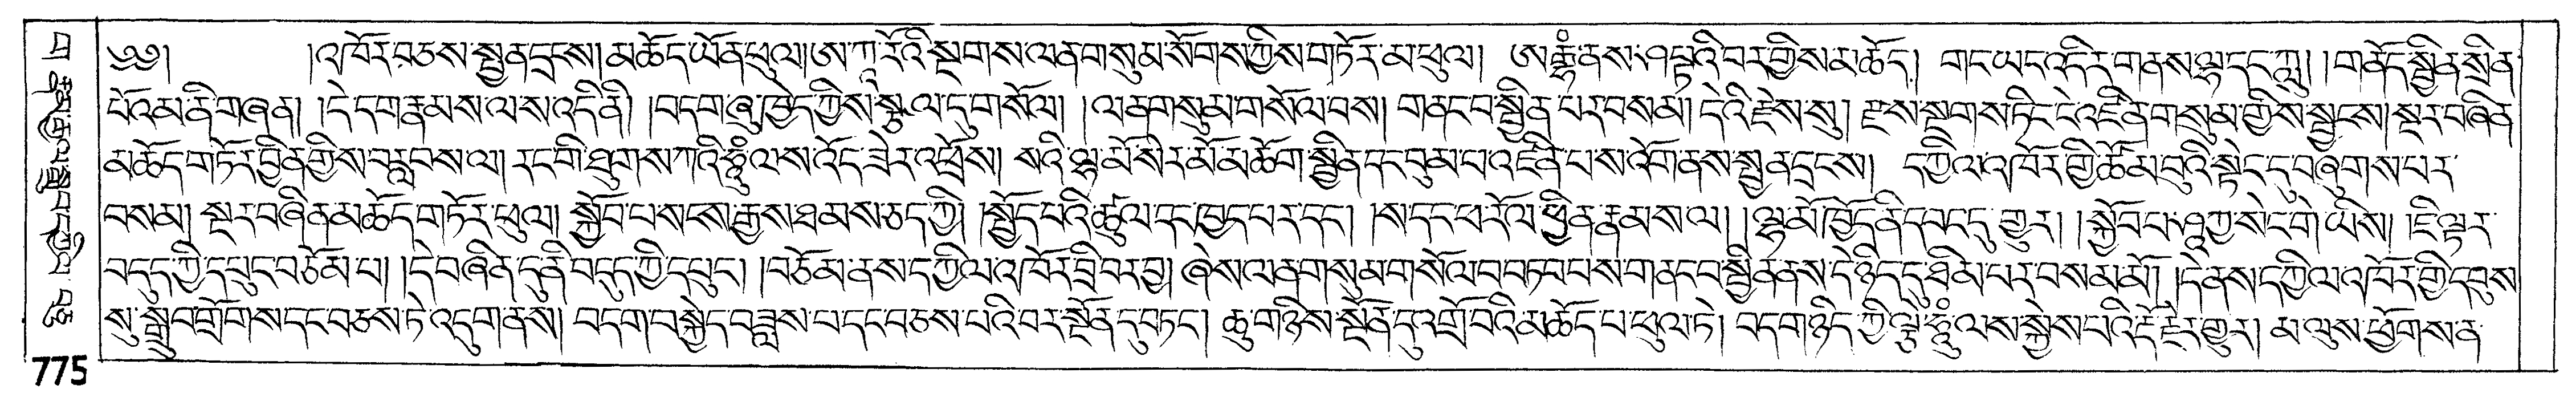༄༅། །འཁོར་བཅས་སྤྱན་དྲངས། མཆོད་ཡོན་ཕུལ། ཨ་ཀཱ་རོའི་སྔགས་ལན་གསུམ་སོགས་ཀྱིས་གཏོར་མ་ཕུལ། ཨརྒྷཾ་ནས་ཤཔྟའི་བར་གྱིས་མཆོད། གང་ཡང་འདིར་གནས་ལྷ་དང་ཀླུ། །གནོད་སྦྱིན་སྲིན་
པོའམ་ནི་གཞན། །དེ་དག་རྣམས་ལས་འདི་ནི། །བདག་ཞུ་ཁྱེད་ཀྱིས་སྩལ་དུ་གསོལ། །ལན་གསུམ་གསོལ་བས། གནང་བ་སྦྱིན་པར་བསམ། དེའི་རྗེས་སུ། རྫས་སྔགས་ཏིང་ངེ་འཛིན་གསུམ་གྱིས་སྦྱངས། སྔར་བཞིན་
མཆོད་གཏོར་བྱིན་གྱིས་བརླབས་ལ། རང་གི་ཐུགས་ཀའི་ཧཱུཾ་ལས་འོད་ཟེར་འཕྲོས། སའི་ལྷ་མོ་སེར་མོ་མཆོག་སྦྱིན་དང་བུམ་པ་འཛིན་པ་ས་འོག་ནས་སྤྱན་དྲངས། དཀྱིལ་འཁོར་གྱི་ཚོམ་བུའི་སྟེང་དུ་བཞུགས་པར་
བསམ། སྔར་བཞིན་མཆོད་གཏོར་ཕུལ། སྐྱོབ་པ་སངས་རྒྱས་ཐམས་ཅད་ཀྱི། །སྤྱོད་པའི་ཚུལ་དང་ཁྱད་པར་དང་། །ས་དང་ཕ་རོལ་ཕྱིན་རྣམས་ལ། །ལྷ་མོ་ཁྱོད་ནི་དབང་དུ་གྱུར། །སྐྱོབ་པ་ཤཱཀྱ་སེང་གེ་ཡིས། །ཇི་ལྟར་
བདུད་ཀྱི་དཔུང་བཅོམ་པ། །དེ་བཞིན་དུ་ནི་བདུད་ཀྱི་དཔུང་། །བཅོམ་ནས་དཀྱིལ་འཁོར་བྲི་བར་བྱ། ཞེས་ལན་གསུམ་གསོལ་བ་བཏབ་པས་གནང་བ་སྦྱིན་ནས་དེ་ཉིད་དུ་ཐིམ་པར་བསམ་མོ། །དེ་ནས་དཀྱིལ་འཁོར་གྱི་དབུས་
སུ་སྒྲུབ་གྲོགས་དང་བཅས་ཏེ་འདུག་ནས། བདག་བསྐྱེད་བཟླས་པ་དང་བཅས་པའི་བར་སྔོན་དུ་བཏང་། ཆུ་གཉིས་སྔོན་དུ་འགྲོ་བའི་མཆོད་པ་ཕུལ་ཏེ། བདག་ཉིད་ཀྱི་ལྕེ་ཧཱུཾ་ལས་སྐྱེས་པའི་རྡོ་རྗེར་གྱུར། མ་ལུས་ཕྱོགས་ན་